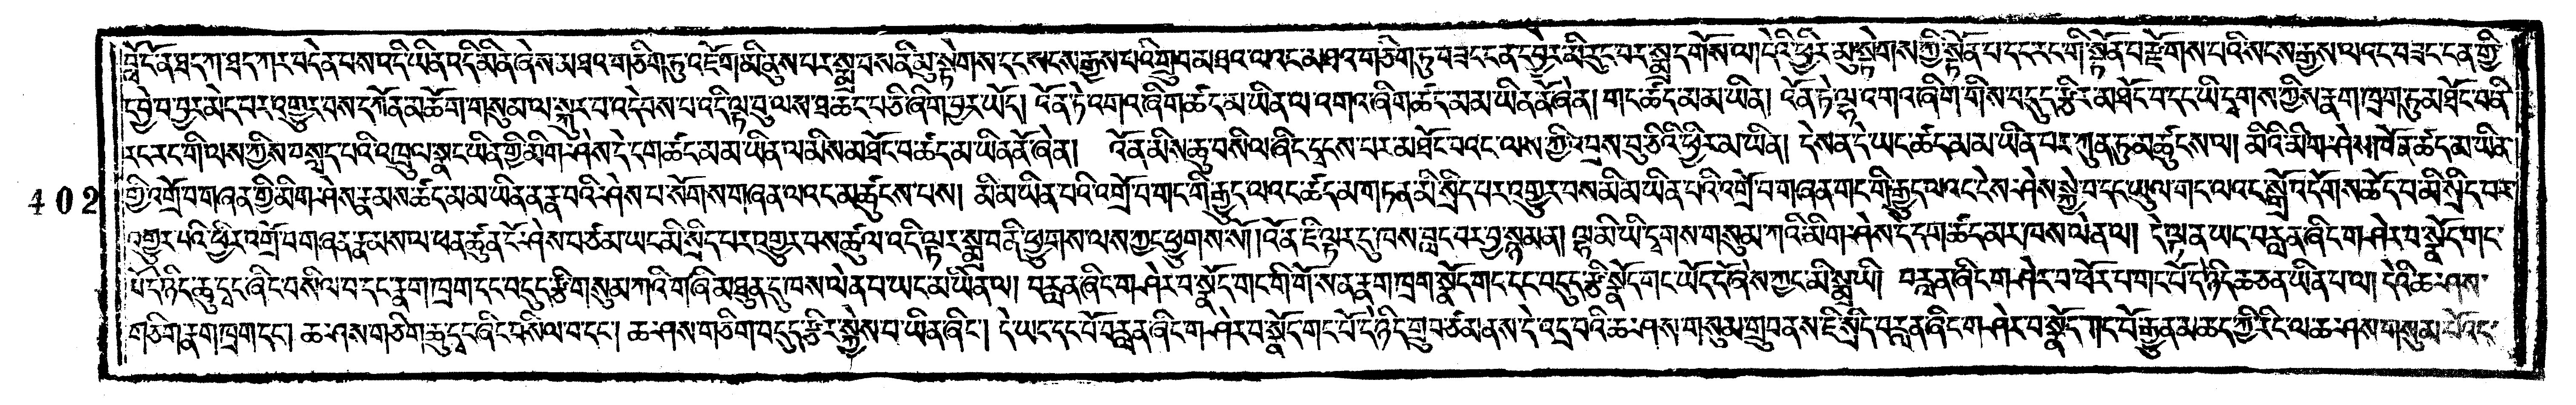བློ་དོན་ཐད་ཀ་ཐད་ཀར་བདེན་པས་འདི་ཡིན་འདི་མིན་ཞེས་མཐའ་གཅིག་ཏུ་འཇོག་མི་ནུས་པར་སྨྲ་བས་ནི་མུ་སྟེགས་དང་སངས་རྒྱས་པའི་གྲུབ་མཐའ་ལའང་མཐའ་གཅིག་ཏུ་བཟང་ངན་དབྱེར་མི་རུང་བར་སྨྲ་དགོས་ལ། དེའི་ཕྱིར་མུ་སྟེགས་ཀྱི་སྟོན་པ་དང་རང་གི་སྟོན་པ་རྫོགས་པའི་སངས་རྒྱས་ལའང་བཟང་ངན་གྱི་
དབྱེ་བ་བྱར་མེད་པར་འགྱུར་བས་དཀོན་མཆོག་གསུམ་ལ་སྐུར་པ་འདེབས་པ་འདི་ལྟ་བུ་ལས་ཐ་ཆད་པ་ཅི་ཞིག་བྱར་ཡོད། འོན་ཏེ་འགའ་ཞིག་ཚད་མ་ཡིན་ལ་འགའ་ཞིག་ཚད་མ་མ་ཡིན་ནོ་ཞེ་ན། གང་ཚད་མ་མ་ཡིན། འོན་ཏེ་ལྷ་འགའ་ཞིག་གིས་བདུད་རྩིར་མཐོང་བ་དང་ཡི་དྭགས་ཀྱིས་རྣག་ཁྲག་ཏུ་མཐོང་བ་ནི་
རང་རང་གི་ལས་ཀྱིས་བསླད་པའི་འཁྲུལ་སྣང་ཡིན་གྱི་མིག་ཤེས་དེ་དག་ཚད་མ་མ་ཡིན་ལ་མིས་མཐོང་བ་ཚད་མ་ཡིན་ནོ་ཞེ་ན། འོན་མིས་ཆུ་བསིལ་ཞིང་དྭངས་པར་མཐོང་བའང་ལས་ཀྱི་འབྲས་བུ་ཅིའི་ཕྱིར་མ་ཡིན། དེས་ན་དེ་ཡང་ཚད་མ་མ་ཡིན་པར་ཀུན་ཏུ་མཚུངས་ལ། མིའི་མིག་ཤེས་ཁོ་ན་ཚད་མ་ཡིན་
གྱི་འགྲོ་བ་གཞན་གྱི་མིག་ཤེས་རྣམས་ཚད་མ་མ་ཡིན་ན་རྣ་བའི་ཤེས་པ་སོགས་གཞན་ལའང་མཚུངས་པས། མི་མ་ཡིན་པའི་འགྲོ་བ་གང་གི་རྒྱུད་ལའང་ཚད་མ་གཏན་མི་སྲིད་པར་འགྱུར་བས་མི་མ་ཡིན་པའི་འགྲོ་བ་གཞན་གང་གི་རྒྱུད་ལའང་ངེས་ཤེས་སྐྱེ་བ་དང་ཡུལ་གང་ལའང་སྒྲོ་འདོགས་ཆོད་པ་མི་སྲིད་པར་
འགྱུར་པའི་ཕྱིར་འགྲོ་བ་གཞན་རྣམས་ལ་ཕན་ཚུན་ངོ་ཤེས་པ་ཙམ་ཡང་མི་སྲིད་པར་འགྱུར་བས་ཚུལ་འདི་ལྟར་སྨྲ་བ་ནི་ཕྱུགས་ལས་ཀྱང་ཕྱུགས་སོ། །འོ་ན་ཇི་ལྟར་དུ་ཁས་བླང་བར་བྱ་སྙམ་ན། ལྷ་མི་ཡི་དྭགས་གསུམ་ཀའི་མིག་ཤེས་དེ་དག་ཚད་མར་ཁས་ལེན་ལ། དེ་ལྟ་ན་ཡང་བརླན་ཞིང་གཤེར་བ་སྣོད་གང་
པོ་དེ་ཉིད་ཆུ་དྭང་ཞིང་བསིལ་བ་དང་རྣག་ཁྲག་དང་བདུད་རྩི་གསུམ་ཀའི་གཞི་མཐུན་དུ་ཁས་ལེན་པ་ཡང་མ་ཡིན་ལ། བརླན་ཞིང་གཤེར་བ་སྣོད་གང་གི་གོ་ས་ན་རྣག་ཁྲག་སྣོད་གང་དང་བདུད་རྩི་སྣོད་གང་ཡོད་དོ་ཞེས་ཀྱང་མི་སྨྲ་ཡི། བརླན་ཞིང་གཤེར་བ་ཕོར་པ་གང་པོ་དེ་ཉིད་ཆ་ཅན་ཡིན་པ་ལ། དེའི་ཆ་ཤས་
གཅིག་རྣག་ཁྲག་དང་། ཆ་ཤས་གཅིག་ཆུ་དྭང་ཞིང་བསིལ་བ་དང་། ཆ་ཤས་གཅིག་བདུད་རྩིར་སྐྱེས་བ་ཡིན་ཞིང་། དེ་ཡང་དང་པོ་བརླན་ཞིང་གཤེར་བ་སྣོད་གང་པོ་དེ་ཉིད་གྲུབ་ཙམ་ནས་དེ་འདྲ་བའི་ཆ་ཤས་གསུམ་གྲུབ་ནས་ཇི་སྲིད་བརླན་ཞིང་གཤེར་བ་སྣོད་གང་པོ་རྒྱུན་མཆད་ཀྱི་རིང་ལ་ཆ་ཤས་གསུམ་པོའང་